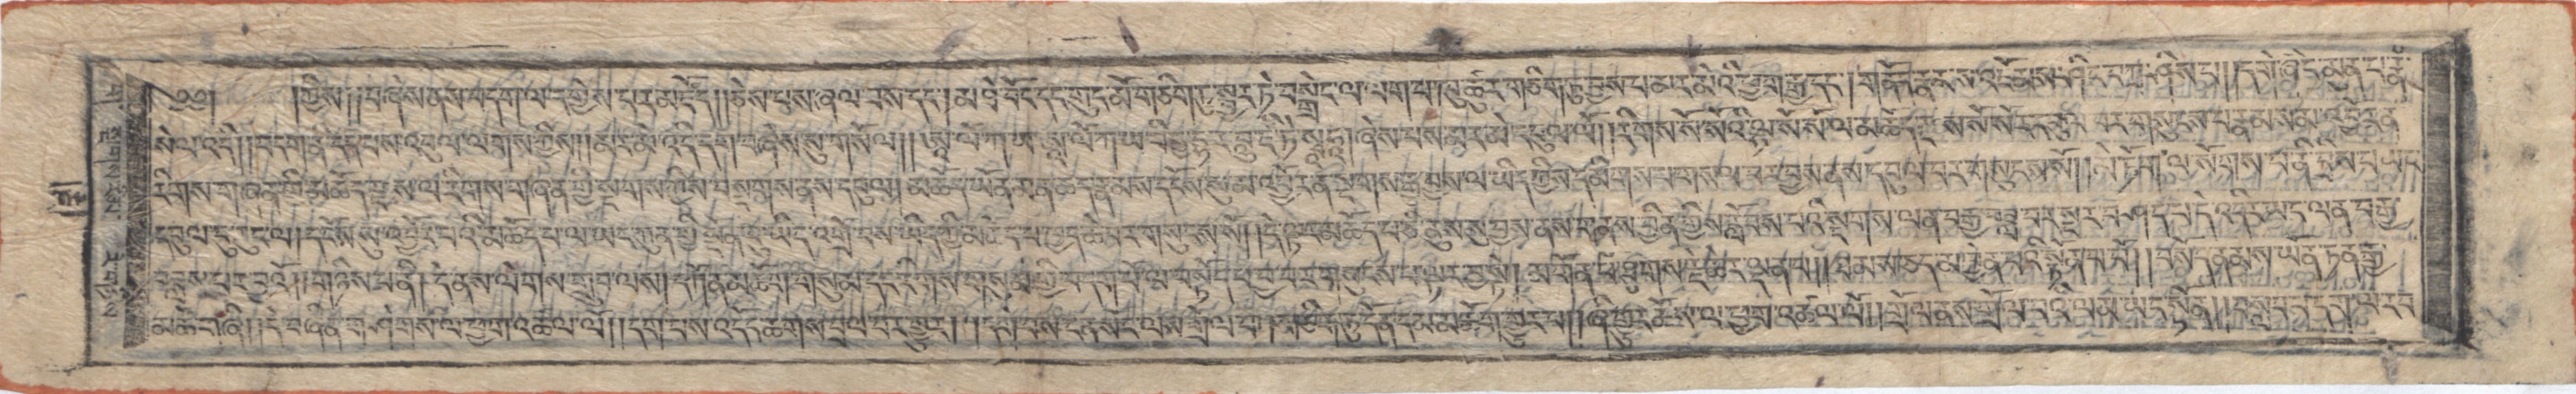༄༅། །ཀྱིས༑ ༑བཞེས་ནས་བདག་ལ་དགྱེས་པར་མཛོད། །ཅེས་པས་ཞལ་ཟས་དང་། མཐེ་བོང་དང་གུང་མོ་གཅིག་ཏུ་སྦྱར་ཏེ་བསྒྲེང་ལ་ལག་པ་ཁུ་ཚུར་གཅིག་ཏུ་བྱས་པ་མར་མེའི་ཕྱག་རྒྱ་དང་། གནོད་རྣམས་འཇོམས་ཤིང་བཀྲ་ཤིས་པ། །དགེ་ཞིང་མུན་པ་རྣཾ་
སེལ་འདི། །བདག་ནི་དད་པས་འབུལ་ལགས་ཀྱིས། །མར་མེ་འདི་དག་བཞེས་སུ་གསོལ། །ཨཱ་ལོ་ཀ་ཡ་ཨཱ་ལོ་ཀ་ཡ་བི་དྱ་དྷ་ར་བཱུ་ཛི་ཏེ་སྭཱཧཱ། ཞེས་པས་མར་མེ་དབུལ་ལོ། །རིགས་སོ་སོའི་ལྷ་སོ་སོ་ལ་མཆོད་རྫས་སོ་སོར་དབུལ་བར་གསུངས་པ་རྣམས་མ་འབྱོར་ན་
རིགས་གཞན་གྱི་མཆོད་རྫས་ལ་རིགས་གཞན་གྱི་སྔགས་ཀྱིས་བསྔགས་ནས་དབུལ། མཆོད་ཡོན་མན་ཆད་རྣམས་དངོས་སུ་མ་འབྱོར་ན་སྔགས་རྒྱ་བྱས་ལ་ཡིད་ཀྱིས་དམིགས་པ་གསལ་བར་བྱས་ནས་དབུལ་བར་གསུངས་སོ། །མེ་ཏོག་ལ་སོགས་པ་ནི་བྲིས་པ་ཡང་
དབུལ་དུ་རུང་ལ། དངོས་སུ་འབྱོར་པའི་མཆོད་པ་ལ་ཡང་ཀུན་གྱི་སྔོན་དུ་ཡིད་འགྲོ་བས་ཡིད་ཀྱི་མཆོད་པ་ཁྱད་ཆེ་བར་གསུངས་སོ། །དེ་ལྟར་མཆོད་པ་ཅི་ནུས་སུ་བྱས་ནས་གནས་བྱིན་གྱིས་རློབས་པའི་སྔགས་ལན་བརྒྱ་བཟླ་བར་སྔར་བཤད་པ་དེ་འདིར་ཡང་ལན་བརྒྱ་
བཟླས་པར་བྱའོ། །གཉིས་པ་ནི། དེ་ནས་ལེགས་གྲུབ་ལས། དཀོན་མཆོག་གསུམ་དང་རིགས་གསུམ་གྱི་བདག་པོ་ལ་བསྟོད་པ་བྱ་བར་གསུངས་པ་ལྟར་བྱ་སྟེ། མགོན་པོ་ཐུགས་རྗེ་ཆེར་ལྡན་པ། །ཐམས་ཅད་མཁྱེན་པའི་སྟོན་པ་པོ། །བསོད་ནམས་ཡོན་ཏན་རྒྱ་
མཚོ་གཞི། །དེ་བཞིན་གཤེགས་ལ་ཕྱག་འཚལ་ལོ། །དག་པས་འདོད་ཆགས་བྲལ་བར་གྱུར། །དགེ་བས་ངན་སོང་ལས་གྲོལ་བ། །གཅིག་ཏུ་དོན་དམ་མཆོག་གྱུར་པ། །ཞི་གྱུར་ཆོས་ལ་ཕྱག་འཚལ་ལོ། །གྲོལ་ནས་གྲོལ་བའི་ལམ་ཡང་སྟོན། །བསླབ་པ་དག་ལ་རབ་